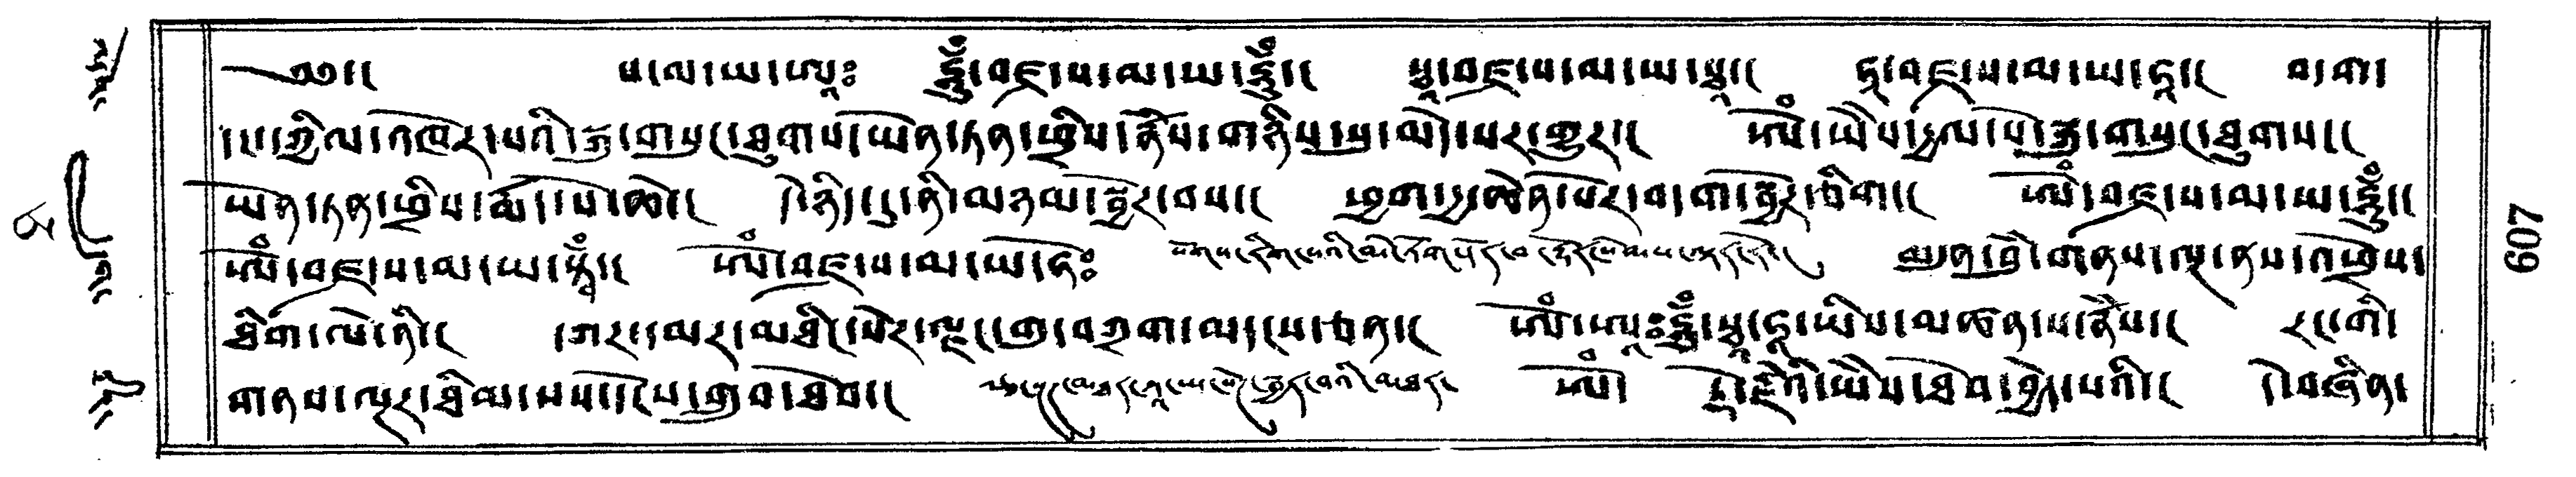ས་མ་ཡ་ཨཱཿ ཧཱུྃ་བཛྲ་ས་མ་ཡ་ཧཱུྃ། སྭ་བཛྲ་ས་མ་ཡ་སྭ། ཧཱ་བཛྲ་ས་མ་ཡ་ཧཱ། བདག་
དང་དཀྱིལ་འཁོར་པའི་སྐུ་གསུང་ཐུགས་ཡོན་ཏན་ཕྲིན་ལས་རྣམ་གཉིས་སུ་མེད་པར་གྱུར། ཨོཾ། ཡེ་ཤེས་རྒྱལ་པོ་སྐུ་གསུང་ཐུགས། །
ཡོན་ཏན་ཕྲིན་ལས་རྨད་པོ་ཆེ། །དེ་ཉིད་དུ་ནི་མཉམ་སྦྱོར་བས། །ཕྱག་རྒྱ་ཆེན་པོར་བདག་སྦྱོར་ཅིག ཨོཾ་བཛྲ་ས་མ་ཡ་ཧཱུྃ། ཨོཾ་བཛྲ་ས་མ་ཡ་སྟྭྃ། 
ཨོཾ་བཛྲ་ས་མ་ཡ་ཧོ། སོགས་རིག་པའི་མེ་ཏོག་དོར་བ་རྡོར་སེམས་ལྟར་རོ། མདུན་བུམ་གནས་ལྔ་ནས་འཕྲོས་
ཐིག་ལེ་ནི། །དཀར་དམར་མཐིང་སེར་ལྗང་གུ་བཀྲག་མདངས་ཅན། །ཨོཾ་ཨཱཿཧཱུྃ་སྭ་ཧཱ་ཡིས་མཚན་པ་རྣམས། །རང་གི་
གནས་ལྔར་ཐིམ་པས་དངོས་གྲུབ་ཐོབ། རྩ་སྔགས་མཐར་ཀཱ་ཡ་སོགས་སྦྱར་བའི་མཐར། ཨོཾ། རྡོ་རྗེའི་ཡེ་ཤེས་ཐོབ་བྱེད་པའི། །དེ་བཞིན་